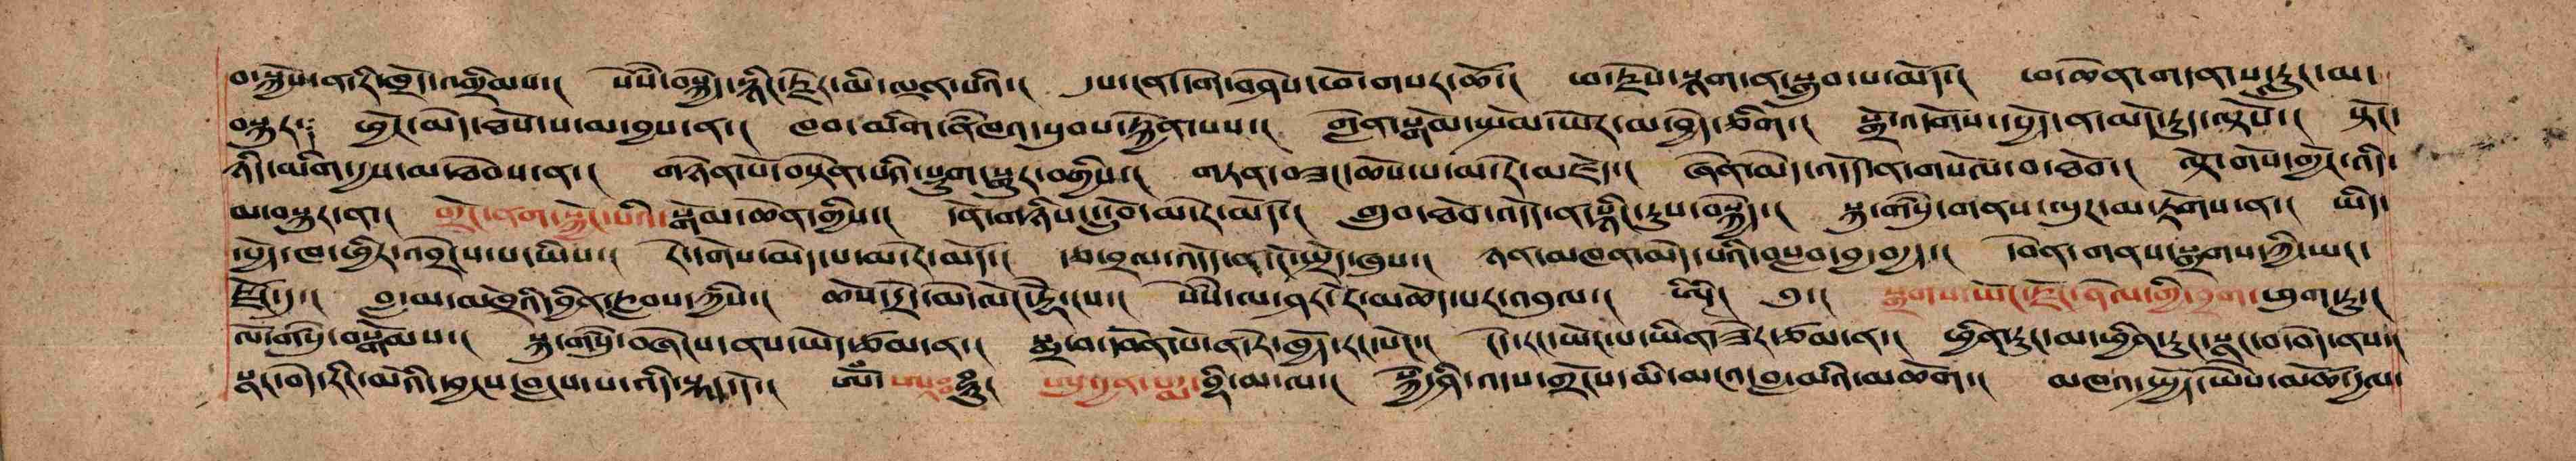བ་སྐྱེས་ན་རི་ཁྲོད་འགྲིམས། སེམས་བསྐྱེད་སྙིང་རྗེར་མི་ལྡན་པའི། དུས་ངན་དགེ་བཤེས་ཕོ་གསར་ཚེ། ཕ་རྗེས་སྙག་ན་སྒྲུབ་པ་མཛོད། ཕ་ཆེན་གདན་ས་རླུང་མ་
བསྐུར༑ ཕྱོགས་མེད་ཐོས་པ་མ་བྱས་ན། ཁབ་མིག་ནམ་མཁའ་སུབས་རྐྱེན་པས། གླེན་སྒོམ་སྤོམ་ཡོར་མ་བྱེད་ཅིག། སྒྲོ་འདོགས་དཔྱོད་ན་མདོ་རྒྱུད་ལྟོས། སྟོང་
ཉིད་མིག་རྒྱས་མ་ཐེབས་ན། གཉེན་པོ་བསྟེན་པའི་སྡུག་སྒྱུར་བགྱིས། གཏན་བཟང་ཆོས་པ་མ་རེ་མཛོད། ཞེན་མེད་འདོད་ན་གསོལ་བ་ཐོབ། ལྟོ་གོས་གྱོང་འདི་
མ་བསྐུར་ན། གྲོང་ནག་སྐྱོང་པའི་སྒོམ་ཆེན་གྱིས། དོན་གཉིས་དངོས་གྲུབ་མ་རེ་མཛོད། གྲུབ་ཐོབ་འདོད་ན་སྙིང་རུས་བསྐྱེད། སྐུ་གསུམ་གནས་ལུགས་མ་རྟོགས་ན། ཡིད་
དཔྱོད་ཁ་ཕྱིར་འབྲེངས་པ་ཡིས། རེ་དོགས་མེད་པ་མ་རེ་མཛོད། རྩ་བྲལ་འདོད་ན་ངོ་སྤྲོད་ཞུས། ཉན་མཁན་མེད་པའི་བསླབ་བྱ་བརྒྱད། དབེན་གནས་སྒྲགས་ཀྱི་ཡང་
རྫོང་དུ། བླ་མ་མཁའ་འགྲོའི་བྱིན་རླབས་ཀྱིས། ཆོས་དྲེད་མེ་ལོང་རྡོ་རྗེ་ངས། སེམས་ལ་ཤར་རོ་མཆོད་པར་འབུལ། ཨིཊི། ༄་། སྒྲགས་ཡོང་རྫོང་ཤེལ་གྱི་བྲག་ཕུག་ཏུ། 
ལོ་གསུམ་བསྒོམས། སྐུ་གསུམ་བཞེངས་ནས་ཡོད་ཙམ་ན། སྨྲ་བ་དབེན་པོ་ན་རེ་ཁྱོད་རང་སོང་། ངེད་རང་ཡོང་པ་ཡིན་ཟེར་ཙམ་ན། ཕྱིན་རུང་མ་ཕྱིན་རུང་སྣང་བ་བདེ་ནས། 
སྣང་བདེ་རིང་མོའི་དབྱངས་བླངས་པ་འདི་སྐད་དོ། ཨོཾ་ཨཿཧཱུཾ། ཨུ་རྒྱན་པདྨ་བྷི་མ་ལ། སྐྱེ་ཤི་འདས་གྲོངས་མི་མངའ་བླ་མའི་མཆོག། མཁའ་སྤྱོད་ཡེ་ཤེས་མཚོ་རྒྱལ་